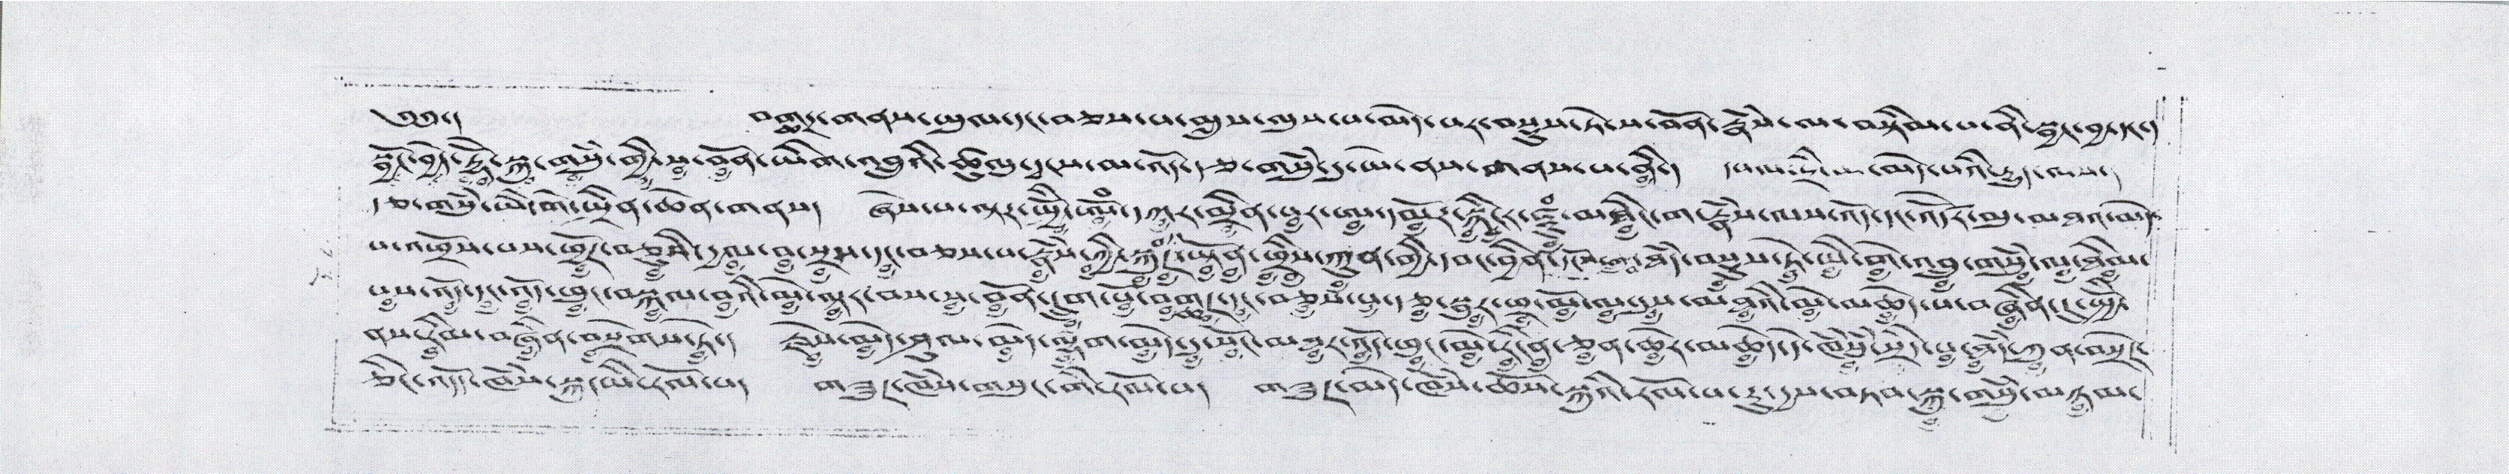བག་ཆགས་གནས་ཡུལ་དང་བཅས་པ་མ་ལུས་ལུས་པ་མེད་པར་བསྡུས་ཏེ་ས་བོན་རྣམས་ལ་བསྟིམ་པ་ནི་སྦྱང་བྱ་དང་། 
སྦྱོང་བྱེད་རྡོ་རྗེ་སྐུ་གསུམ་གྱི་ས་བོན་ཡིག་འབྲུའི་ཚུལ་དུ་དྭངས་མ་འོད་རྩ་གསུམ་དུ་ཡེ་ནས་གནས་པ་ནི། དཔལ་དྲི་མ་མེད་པའི་རྒྱུད་ལས། 
རྩ་གསུམ་ཡི་གེ་སྤྲིན་ཆེན་གནས། ཞེས་པ་ལྟར་སྤྱི་བོ་ཨོཾ་དཀར་པོ། མགྲིན་པར་ཨཱཿདམར་པོ། སྙིང་གར་ཧཱུཾ་མཐིང་ག་རྣམས་ལས་འོད་དང་འོད་ཟེར་མུ་མཐའ་མེད་
པ་འཕྲོས་པས་ཕྱོགས་བཅུའི་རྒྱལ་བ་སྲས་དང་བཅས་པ་རྣམས་ཀྱི་སྐུ་གསུང་ཐུགས་ཡོན་ཏན་འཕྲིན་ལས་ཀུན་གྱི་དབང་བྱིན་དངོས་གྲུབ་ཐམས་ཅད་བསྡུས་ཏེ་ཡི་གེ་འབྲུ་གསུམ་ལ་ཐིམ་
པས་འོད་དང་འོད་ཕུང་བསྐལ་པའི་མེ་ལྟར་བས་ས་བོན་དྲུག་པོ་བག་ཆགས་དང་བཅས་པ་རྩ་སྦུར་ཕྲ་མོ་ལ་དུས་མཐའི་མེ་མཆེད་པ་བཞིན་དུ་སྤྱི་བོ་
ནས་རིམ་བཞིན་བསྲེགས་ཏེ། རྗེས་མེད་ཤུལ་མེད་ལྷག་མེད་དུ་སོང་མཐར་འོད་ཕུང་མེ་རང་བཞིན་ཅན་ཆེར་མཆེད་དེ་ཁམས་གསུམ་སྲིད་པ་ཐམས་ཅད་ཀུན་བསྲེགས་
ཅིང་འདོད་ཁམས་སྐུ་ཡི་རོལ་པ། གཟུགས་ཁམས་གསུང་གི་རོལ་པ། གཟུགས་མེད་ཁམས་ཆོས་སྐུའི་རོལ་པ་རུ་རྒྱས་བཏབ་སྐུ་གསུམ་མཉམ་